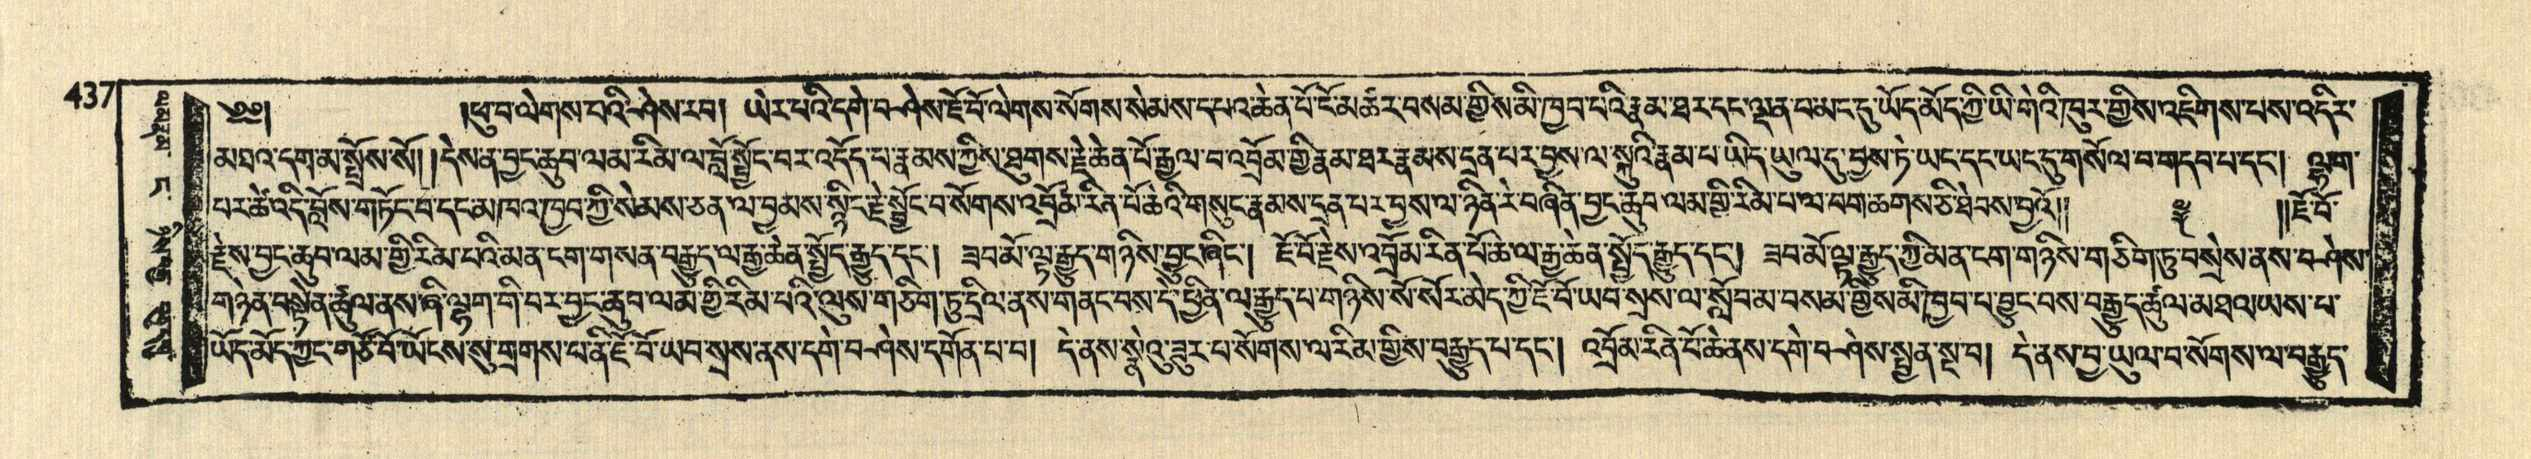༄༅། །ཕུ་བ་ལེགས་བའི་ཤེས་རབ། ཡེར་པའི་དགེ་བཤེས་ཇོ་བོ་ལེགས་སོགས་སེམས་དཔའ་ཆེན་པོ་ངོ་མཚར་བསམ་གྱིས་མི་ཁྱབ་པའི་རྣམ་ཐར་དང་ལྡན་པ་མང་དུ་ཡོད་མོད་ཀྱི་ཡི་གེའི་ཁུར་གྱིས་འཇིགས་པས་འདིར་
མཐའ་དག་མ་སྤྲོས་སོ། །དེས་ན་བྱང་ཆུབ་ལམ་རིམ་ལ་བློ་སྤྱོང་བར་འདོད་པ་རྣམས་ཀྱིས་ཐུགས་རྗེ་ཆེན་པོ་རྒྱལ་བ་འབྲོམ་གྱི་རྣམ་ཐར་རྣམས་དྲན་པར་བྱས་ལ་སྐུའི་རྣམ་པ་ཡིད་ཡུལ་དུ་བྱས་ཏེ་ཡང་དང་ཡང་དུ་གསོལ་བ་གདབ་པ་དང་། ལྷག་
པར་ཚེ་འདི་བློས་གཏོང་བ་དང་མཁའ་ཁྱབ་ཀྱི་སེམས་ཅན་ལ་བྱམས་སྙིང་རྗེ་སྦྱོང་བ་སོགས་འབྲོམ་རིན་པོ་ཆེའི་གསུང་རྣམས་དྲན་པར་བྱས་ལ་ཉིན་རེ་བཞིན་བྱང་ཆུབ་ལམ་གྱི་རིམ་པ་ལ་བག་ཆགས་ཅི་ཐེབས་བྱའོ།། ༈ །།ཇོ་བོ་
རྗེས་བྱང་ཆུབ་ལམ་གྱི་རིམ་པའི་མན་ངག་གསན་བརྒྱུད་ལ་རྒྱ་ཆེན་སྤྱོད་རྒྱུད་དང་། ཟབ་མོ་ལྟ་རྒྱུད་གཉིས་བྱུང་ཞིང་། ཇོ་བོ་རྗེས་འབྲོམ་རིན་པོ་ཆེ་ལ་རྒྱ་ཆེན་སྤྱོད་རྒྱུད་དང་། ཟབ་མོ་ལྟ་རྒྱུད་ཀྱི་མན་ངག་གཉིས་གཅིག་ཏུ་བསྲེས་ནས་བཤེས་
གཉེན་བསྟེན་ཚུལ་ནས་ཞི་ལྷག་གི་བར་བྱང་ཆུབ་ལམ་གྱི་རིམ་པའི་ལུས་གཅིག་ཏུ་དྲིལ་ནས་གནང་བས་དེ་ཕྱིན་ལ་རྒྱུད་པ་གཉིས་སོ་སོར་མེད་ཀྱི་ཇོ་བོ་ཡབ་སྲས་ལ་སློབ་མ་བསམ་གྱིས་མི་ཁྱབ་པ་བྱུང་བས་བརྒྱུད་ཚུལ་མཐའ་ཡས་པ་
ཡོད་མོད་ཀྱང་གཙོ་བོ་ཡོངས་སུ་གྲགས་པ་ནི་ཇོ་བོ་ཡབ་སྲས་ནས་དགེ་བཤེས་དགོན་པ་བ། དེ་ནས་སྣེའུ་ཟུར་པ་སོགས་ལ་རིམ་གྱིས་བརྒྱུད་པ་དང་། འབྲོམ་རིན་པོ་ཆེ་ནས་དགེ་བཤེས་སྤྱན་སྔ་བ། དེ་ནས་བྱ་ཡུལ་བ་སོགས་ལ་བརྒྱུད་